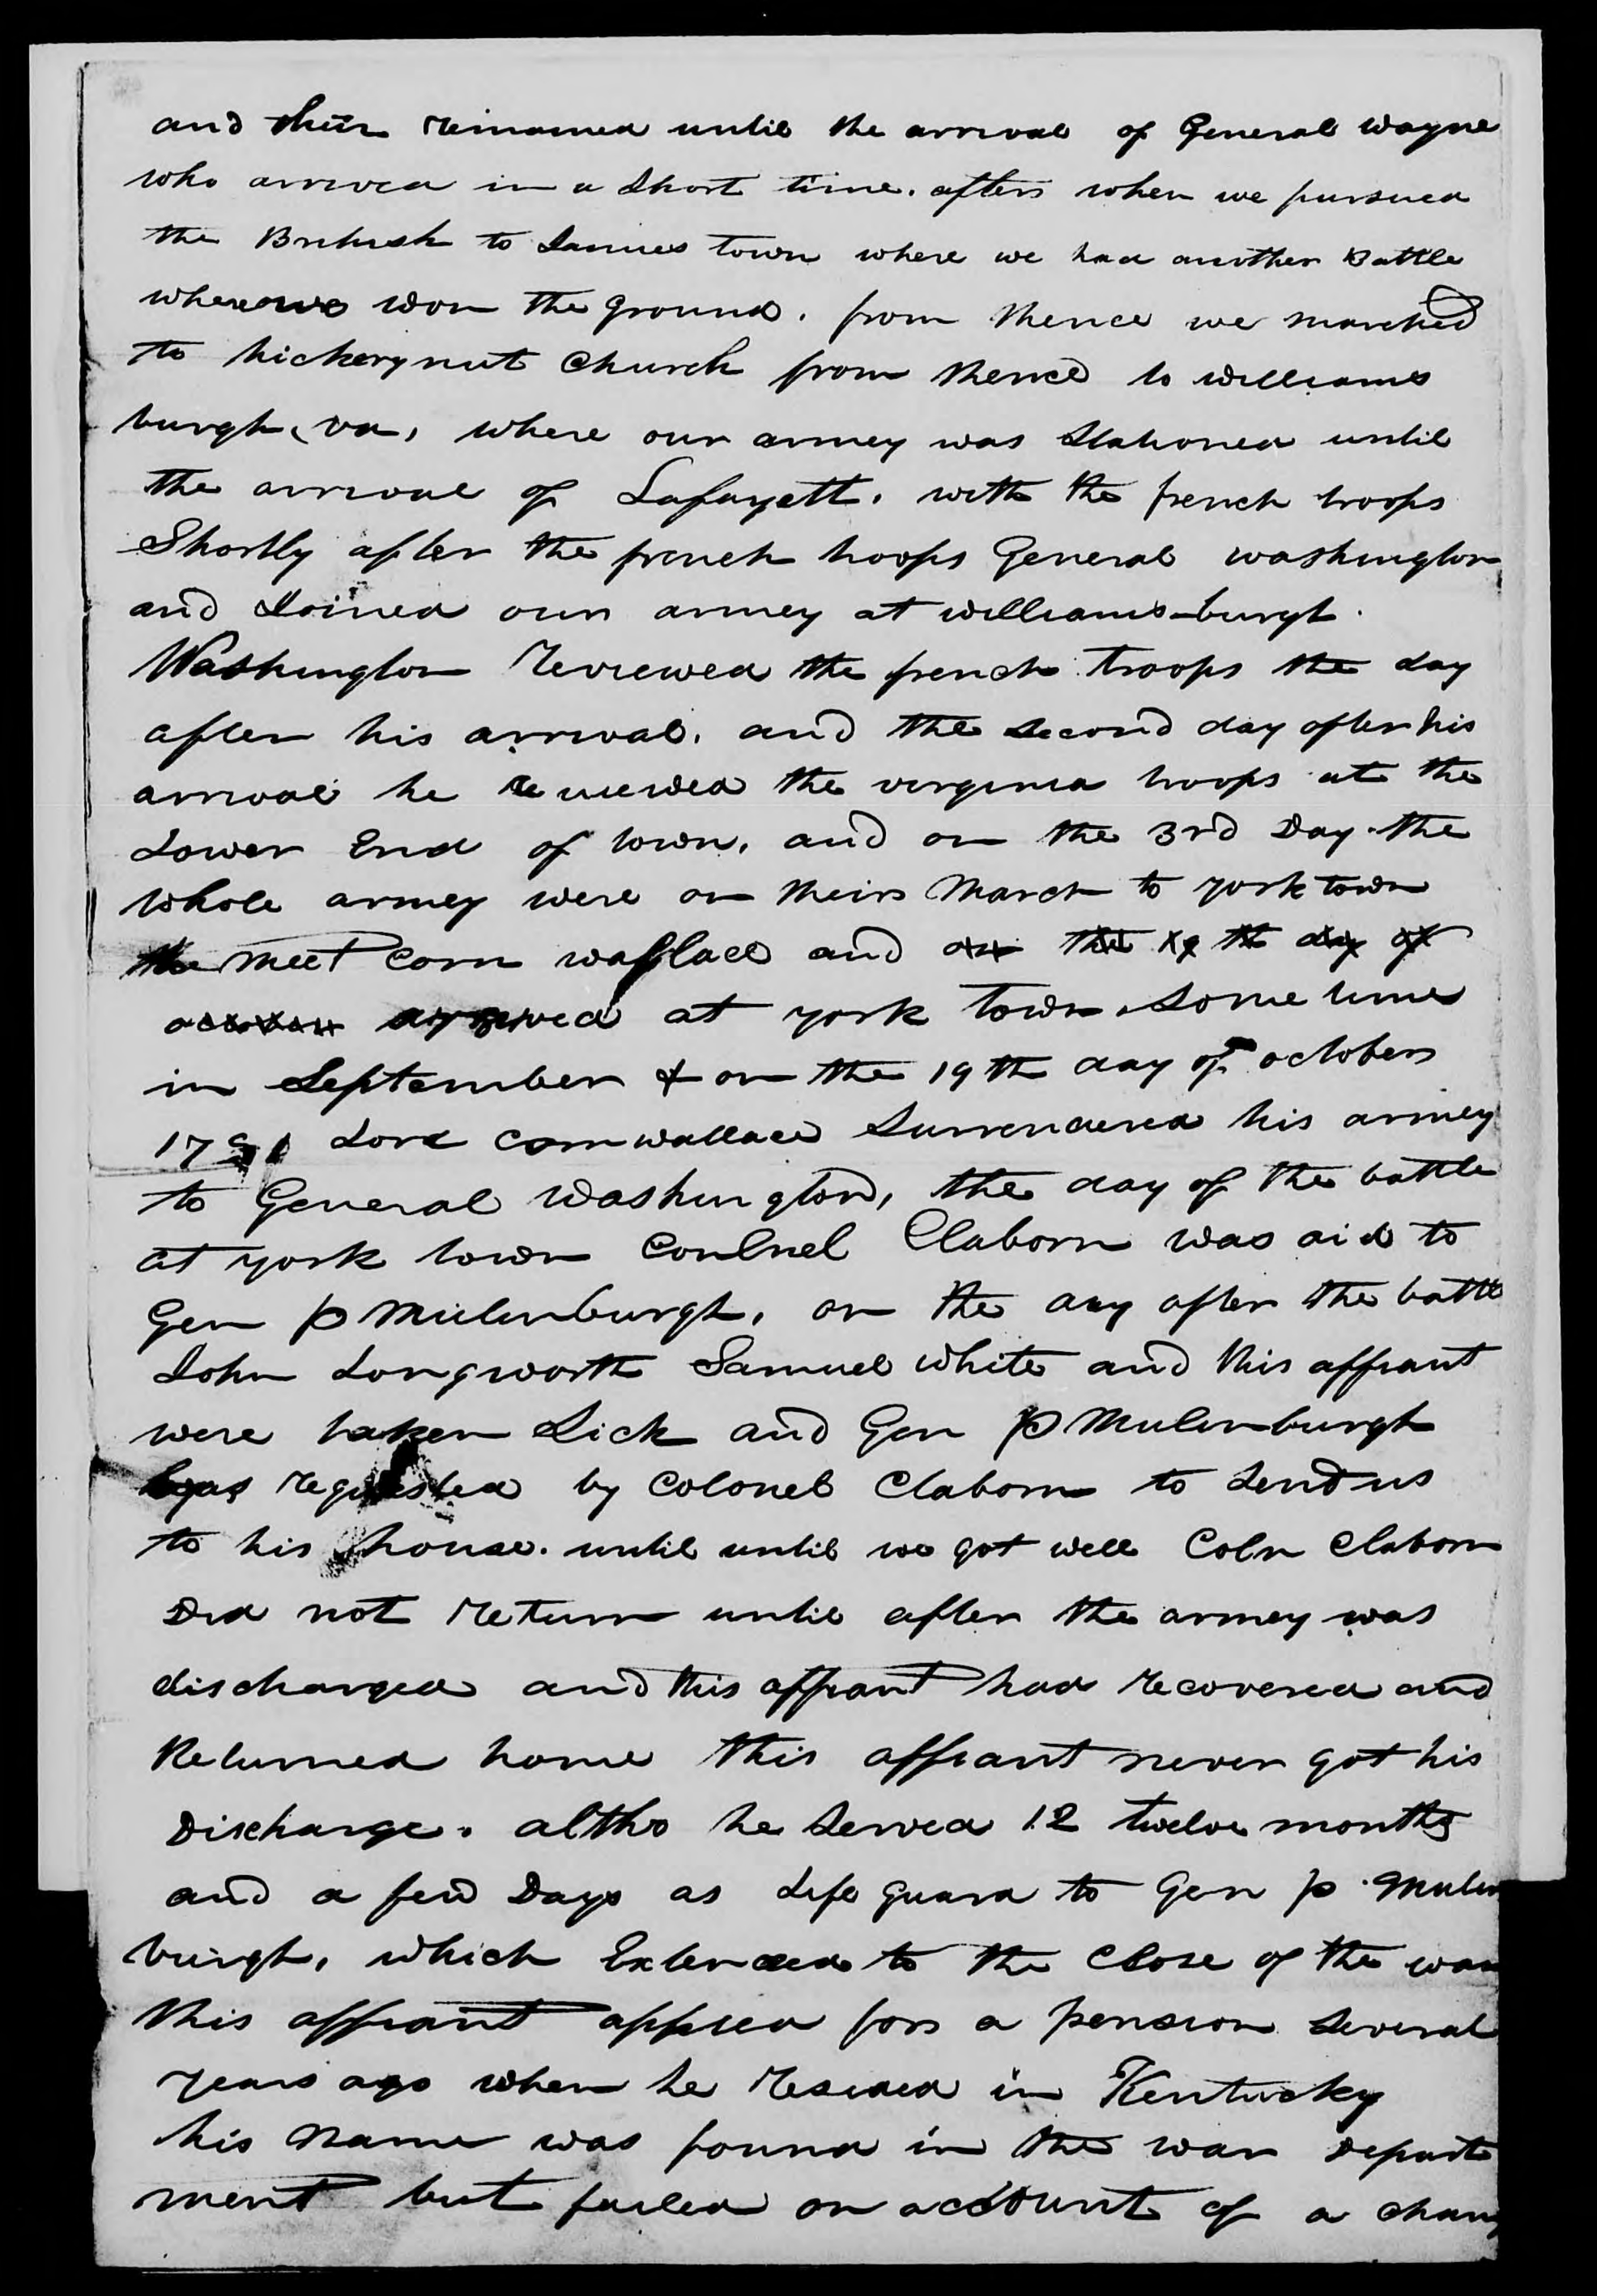and there remained until the arrival of General Wayne who arrived in a short time. after when we pursued the British to James Town where we had another Battle where we won the ground, from thence we marched to Hickerynut Church from thence to Williamsburgh (Va) where our army was stationed until the arrival of Lafayette, with the French troops Shortly after the french troops General Washington and Joined our army at Williamsburgh.
Washington reviewed the french troops the day after his arrival, and the second day after his arrival he reviewed the Virginia troops at the Lower End of town, and on the 3rd Day the whole army were on their March to Yorktown to meet Corn Wallace and arrived at York town some time in September & on the 19th day of October 1781 Lord Cornwallace surrendered his army to General Washington, the day of the battle at York town Colonel Claborn was aid to Gen P Mulenburgh, or the day after the battle John Longworth Samuel White and this affiant were taken Sick and Gen P Mulenburgh was requested by Colonel Claborn to send us to his house until until we got well Coln Claborn did not return until after the army was discharged and this affiant had recovered and Returned home this affiant never got his discharge. altho he served 12 twelve months and a few days as Life guard to Gen P Mulenburgh, which Extended to the close of the war this affiant applied for a pension several years ago when he resided in Kentucky his name was found in the war department but failed on account of a change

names: Claborn, P Mulenburgh, Washington, Wayne, Claborn, Samuel White, P Mulenburgh, Lafayett, Washington, John Longworth, Claborn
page: 3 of 29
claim: rejected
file: R. 3010, Charles Donaway, Va.